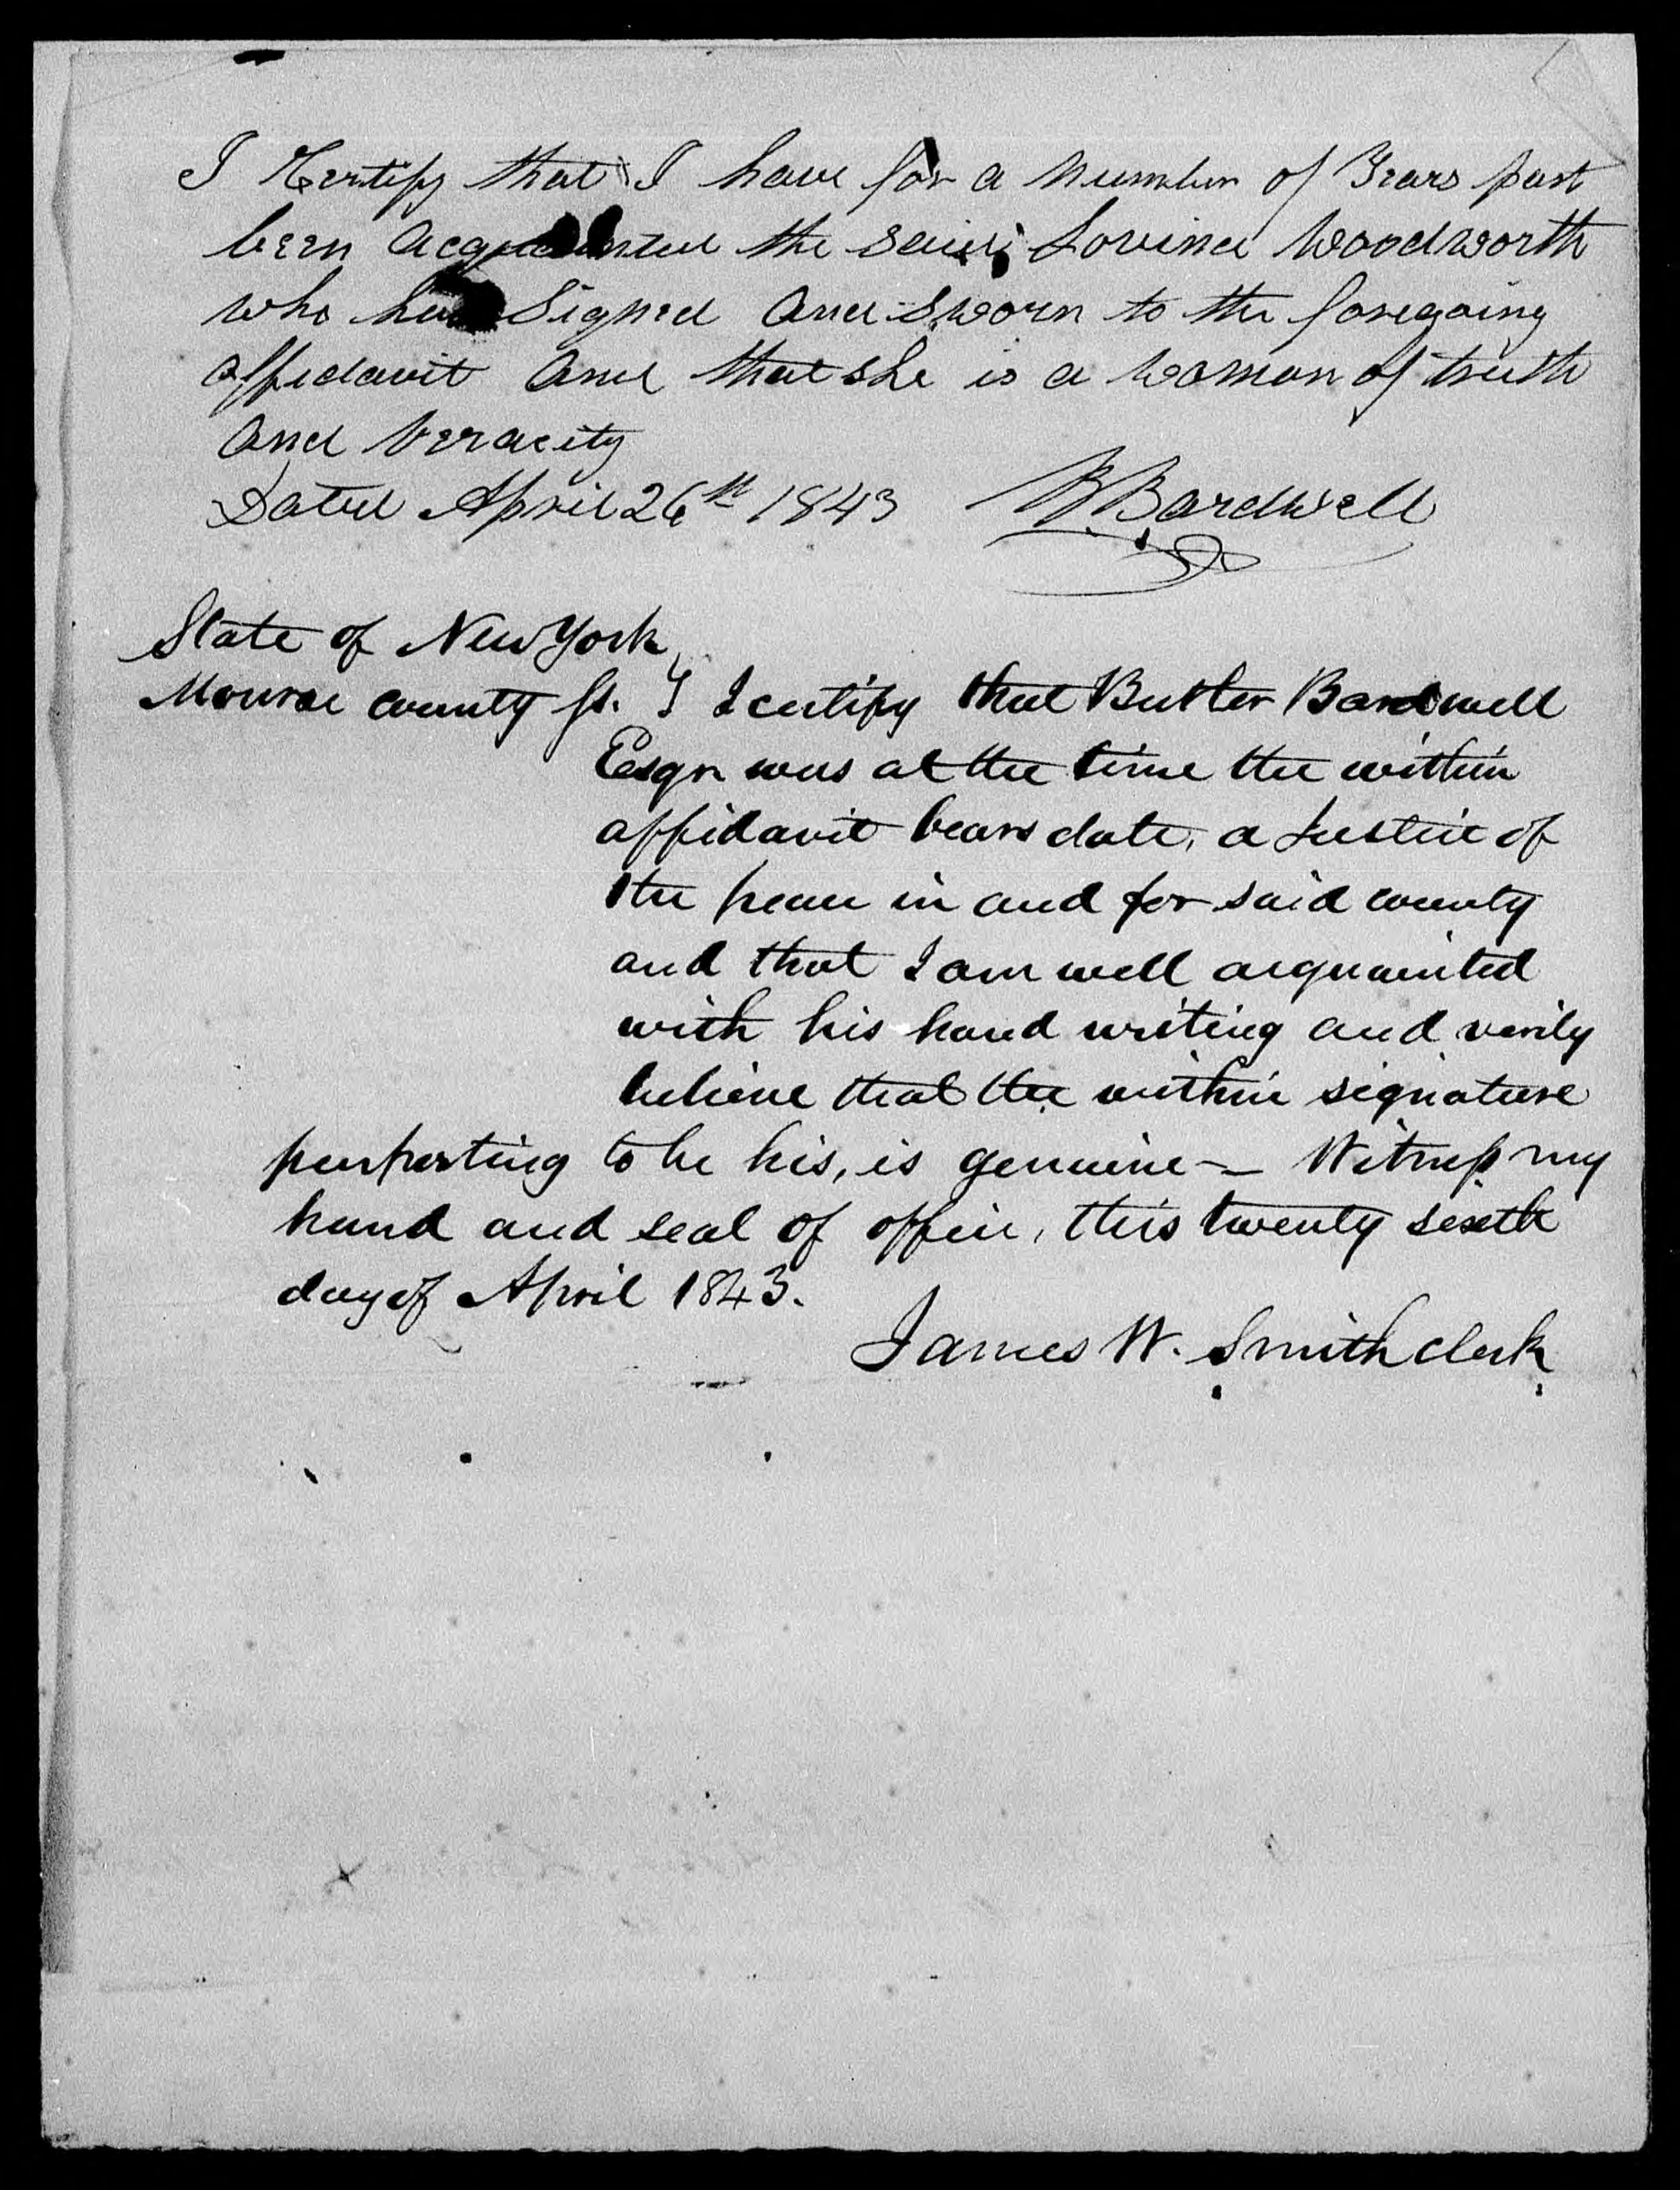I certify that I have for a number of years past been acquainted with the said Lovina Woodworth who has signed and sworn to the foregoing affidavit and that she is a woman of truth and veracity.
Dated April 26th 1843
B Bardwell

State of New York, Monroe County ss.
I certify that Butler Bardwell Esqr. was at the time the within affidavit bean date, a Justice of the peace in and for said county and that I am well acquainted with his hand writing and verily believe that the within signature purporting to be his, is genuine.
Witness my hand and seal of office, this twenty sixth day of April 1843.
James. W. Smith Clerk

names: B Bardwell, Lovina Woodworth, James W Smith, Butler Bardwell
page: 35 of 44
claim: survivor's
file: S. 23639, Jonathan Fowler, New York